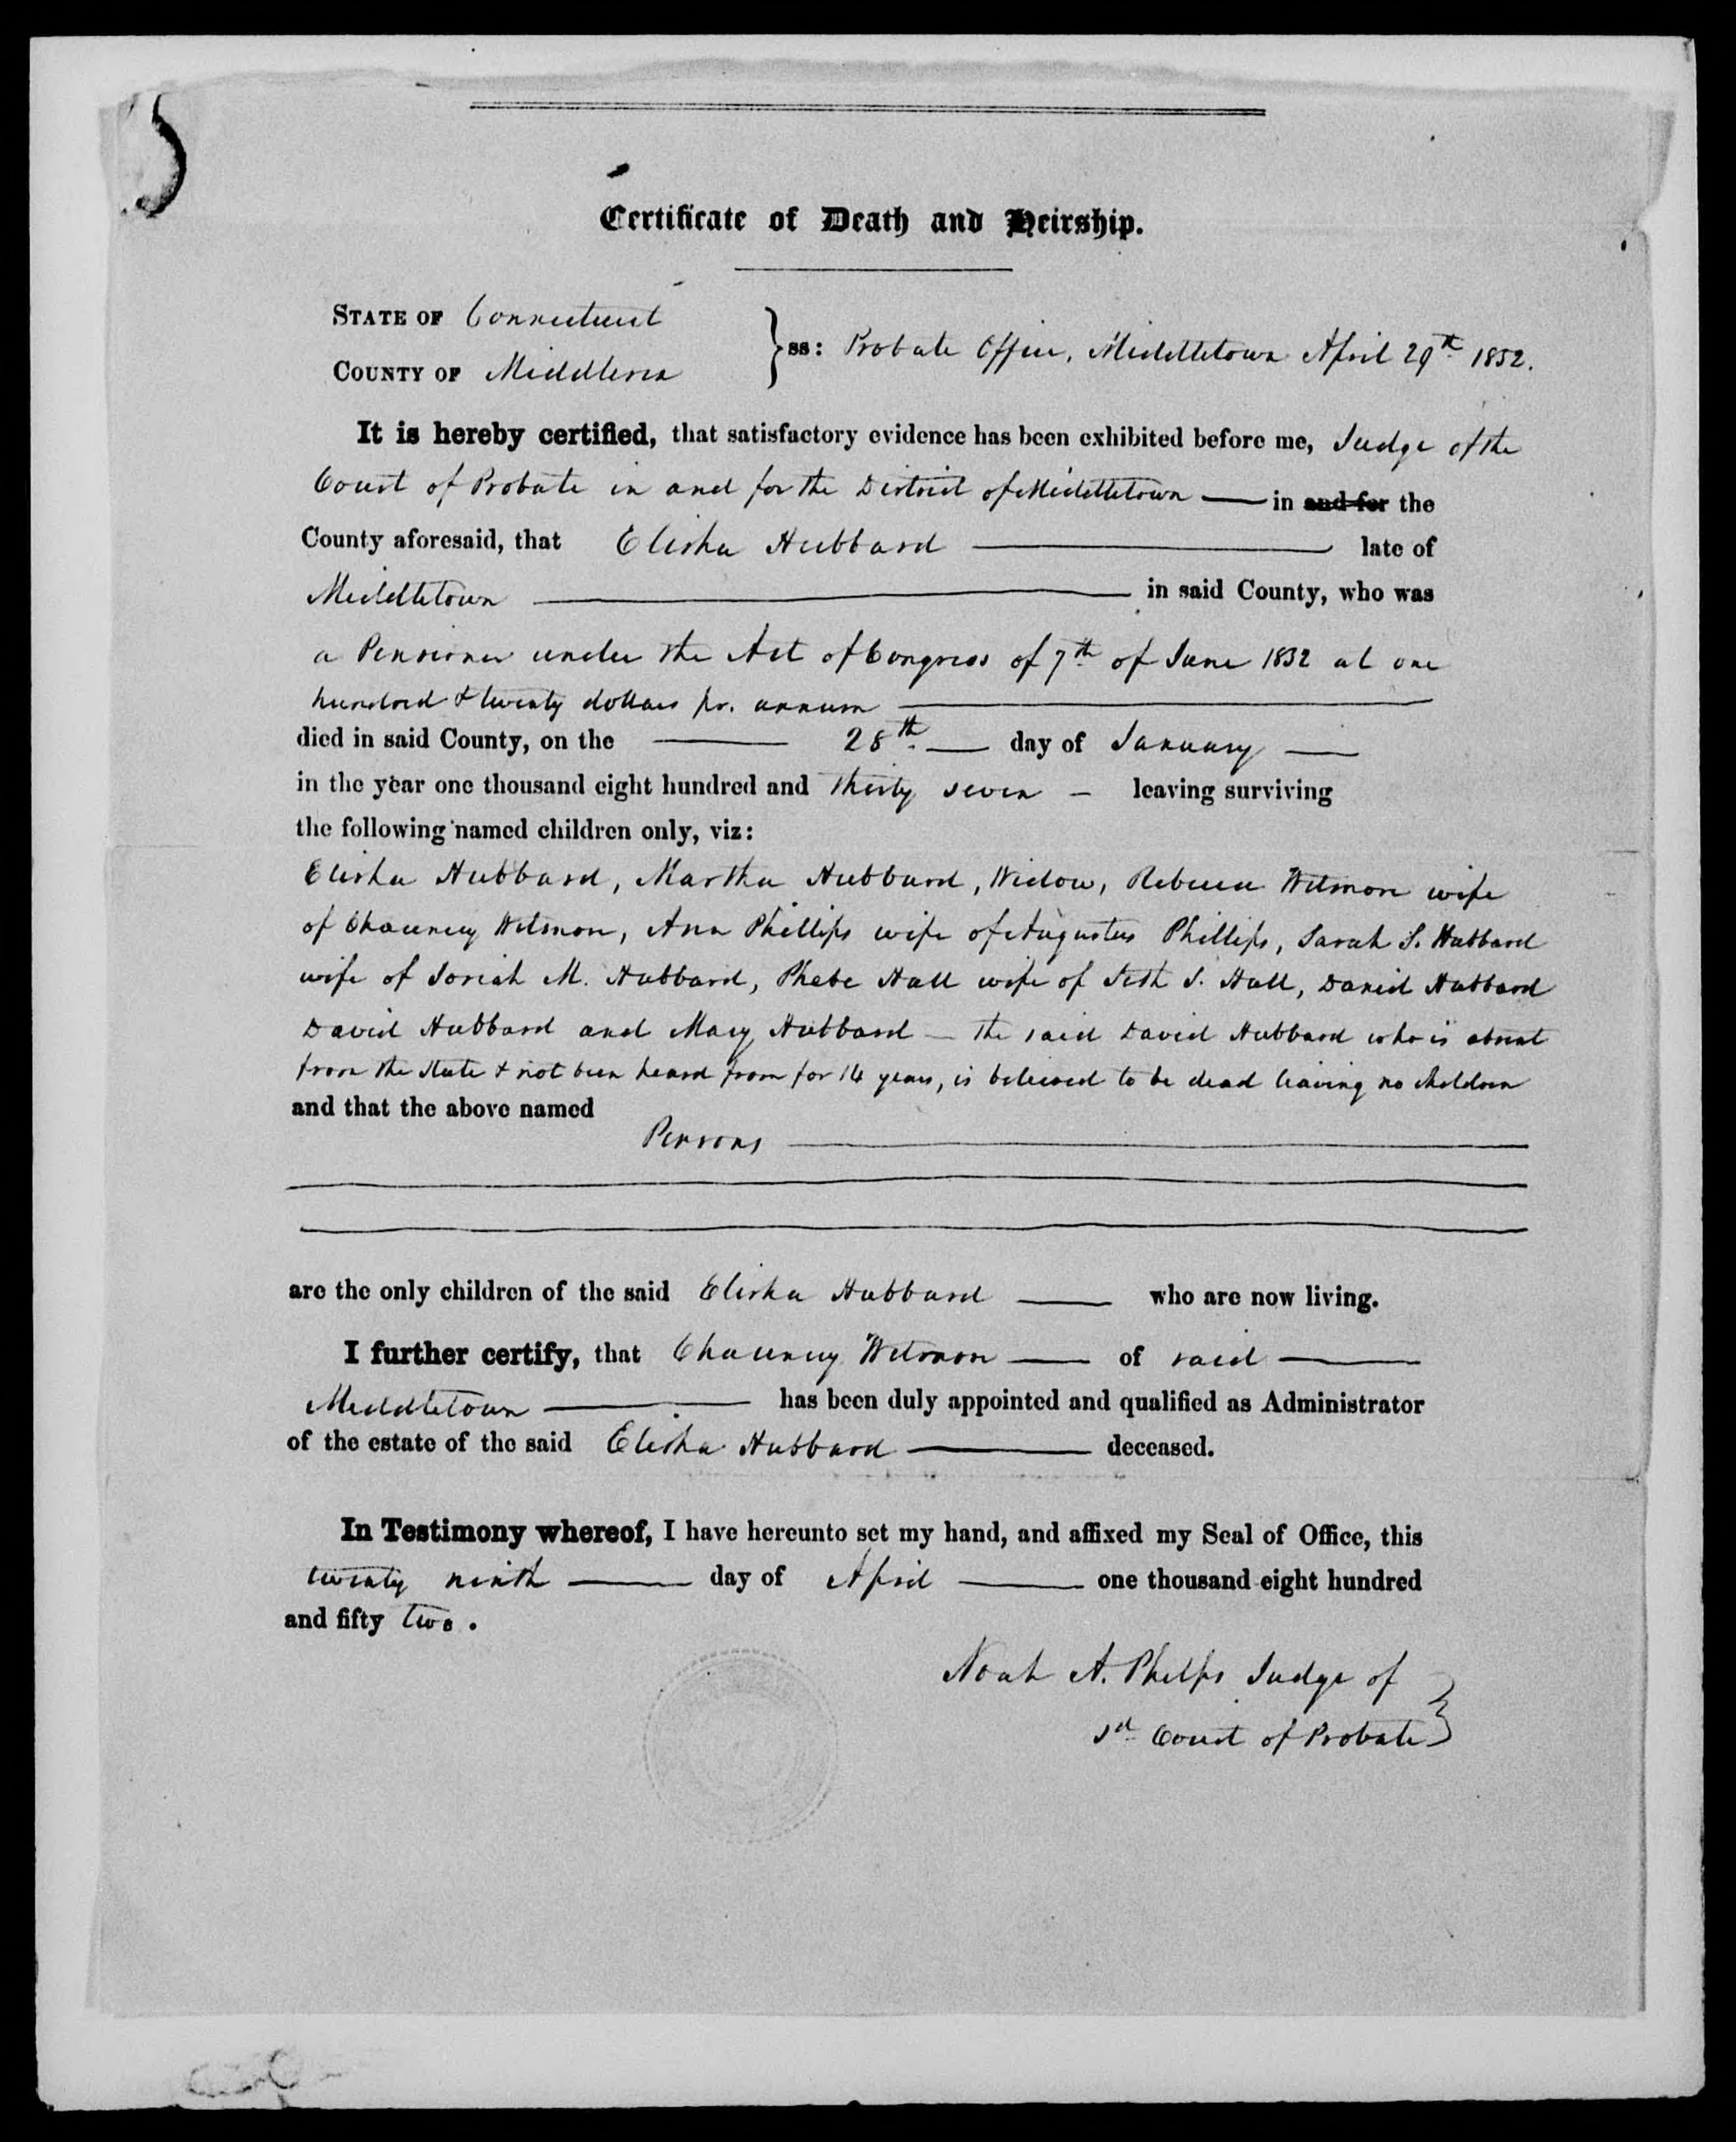Certificate of Death and Heirship.

State of Connecticut}
County of Middletown    } ss:  Probate Office, Middletown April 29th 1852.

It is hereby certified, that satisfactory evidence has been exhibited before me, Judge of the Court of Probate in and for the District of Middletown in the County aforesaid, that Elisha Hubbard late of Middletown in said County, who was a Pensioner under the Act of Congress of 7th of June 1832 at one hundred & twenty dollars per annum died in said County,  on the 28th day of January in the year one thousand eight hundred and Thirty seven  leaving surviving the folowing named children only, viz:

Elisha Hubbard, Martha Hubbard, Widow, Rebecca Witmon wife of Chauncy Witmon, Ann Phillips wife of Augustus Phillip Sarah L. Hubbard wife of Jonah M. Hubbard, Phebe Hall wife of Seth J. Hall, David Hubbard David Hubbard and Mary Hubbard - The said David Hubbard is absent from the state & not been heard from for 14 years, is believed to be dead leaving no children and that the above named Persons are the only children of the said Elisha Hubbard who are now living.

I further certify, that Chauncy Witmon of raid Middletown has been duly appointed and qualified as Administrator of the estate  of the said Elisha Hubbard deceased.

In Testimony whereof, I have hereunto set my hand, and affixed my Seal of Office, this twenty ninth day of April one thousand eight hundred and fifty two.

Noah A. Phelps Judge of 2nd Court of Probate{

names: Seth S Hall, Josiah M Hubbard, Elisha Hubbard, Noah A Phelps, Augustus Phillips, Daniel Hubbard, David Hubbard, Mary Hubbard, Ann Phillips, Rebecca Witmore, Sarah S Hubbard, Phebe Hall, Chauncey Wetmore, Martha Hubbard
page: 4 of 63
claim: survivor's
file: S. 18457, Elisha Hubbard, Conn. Continental